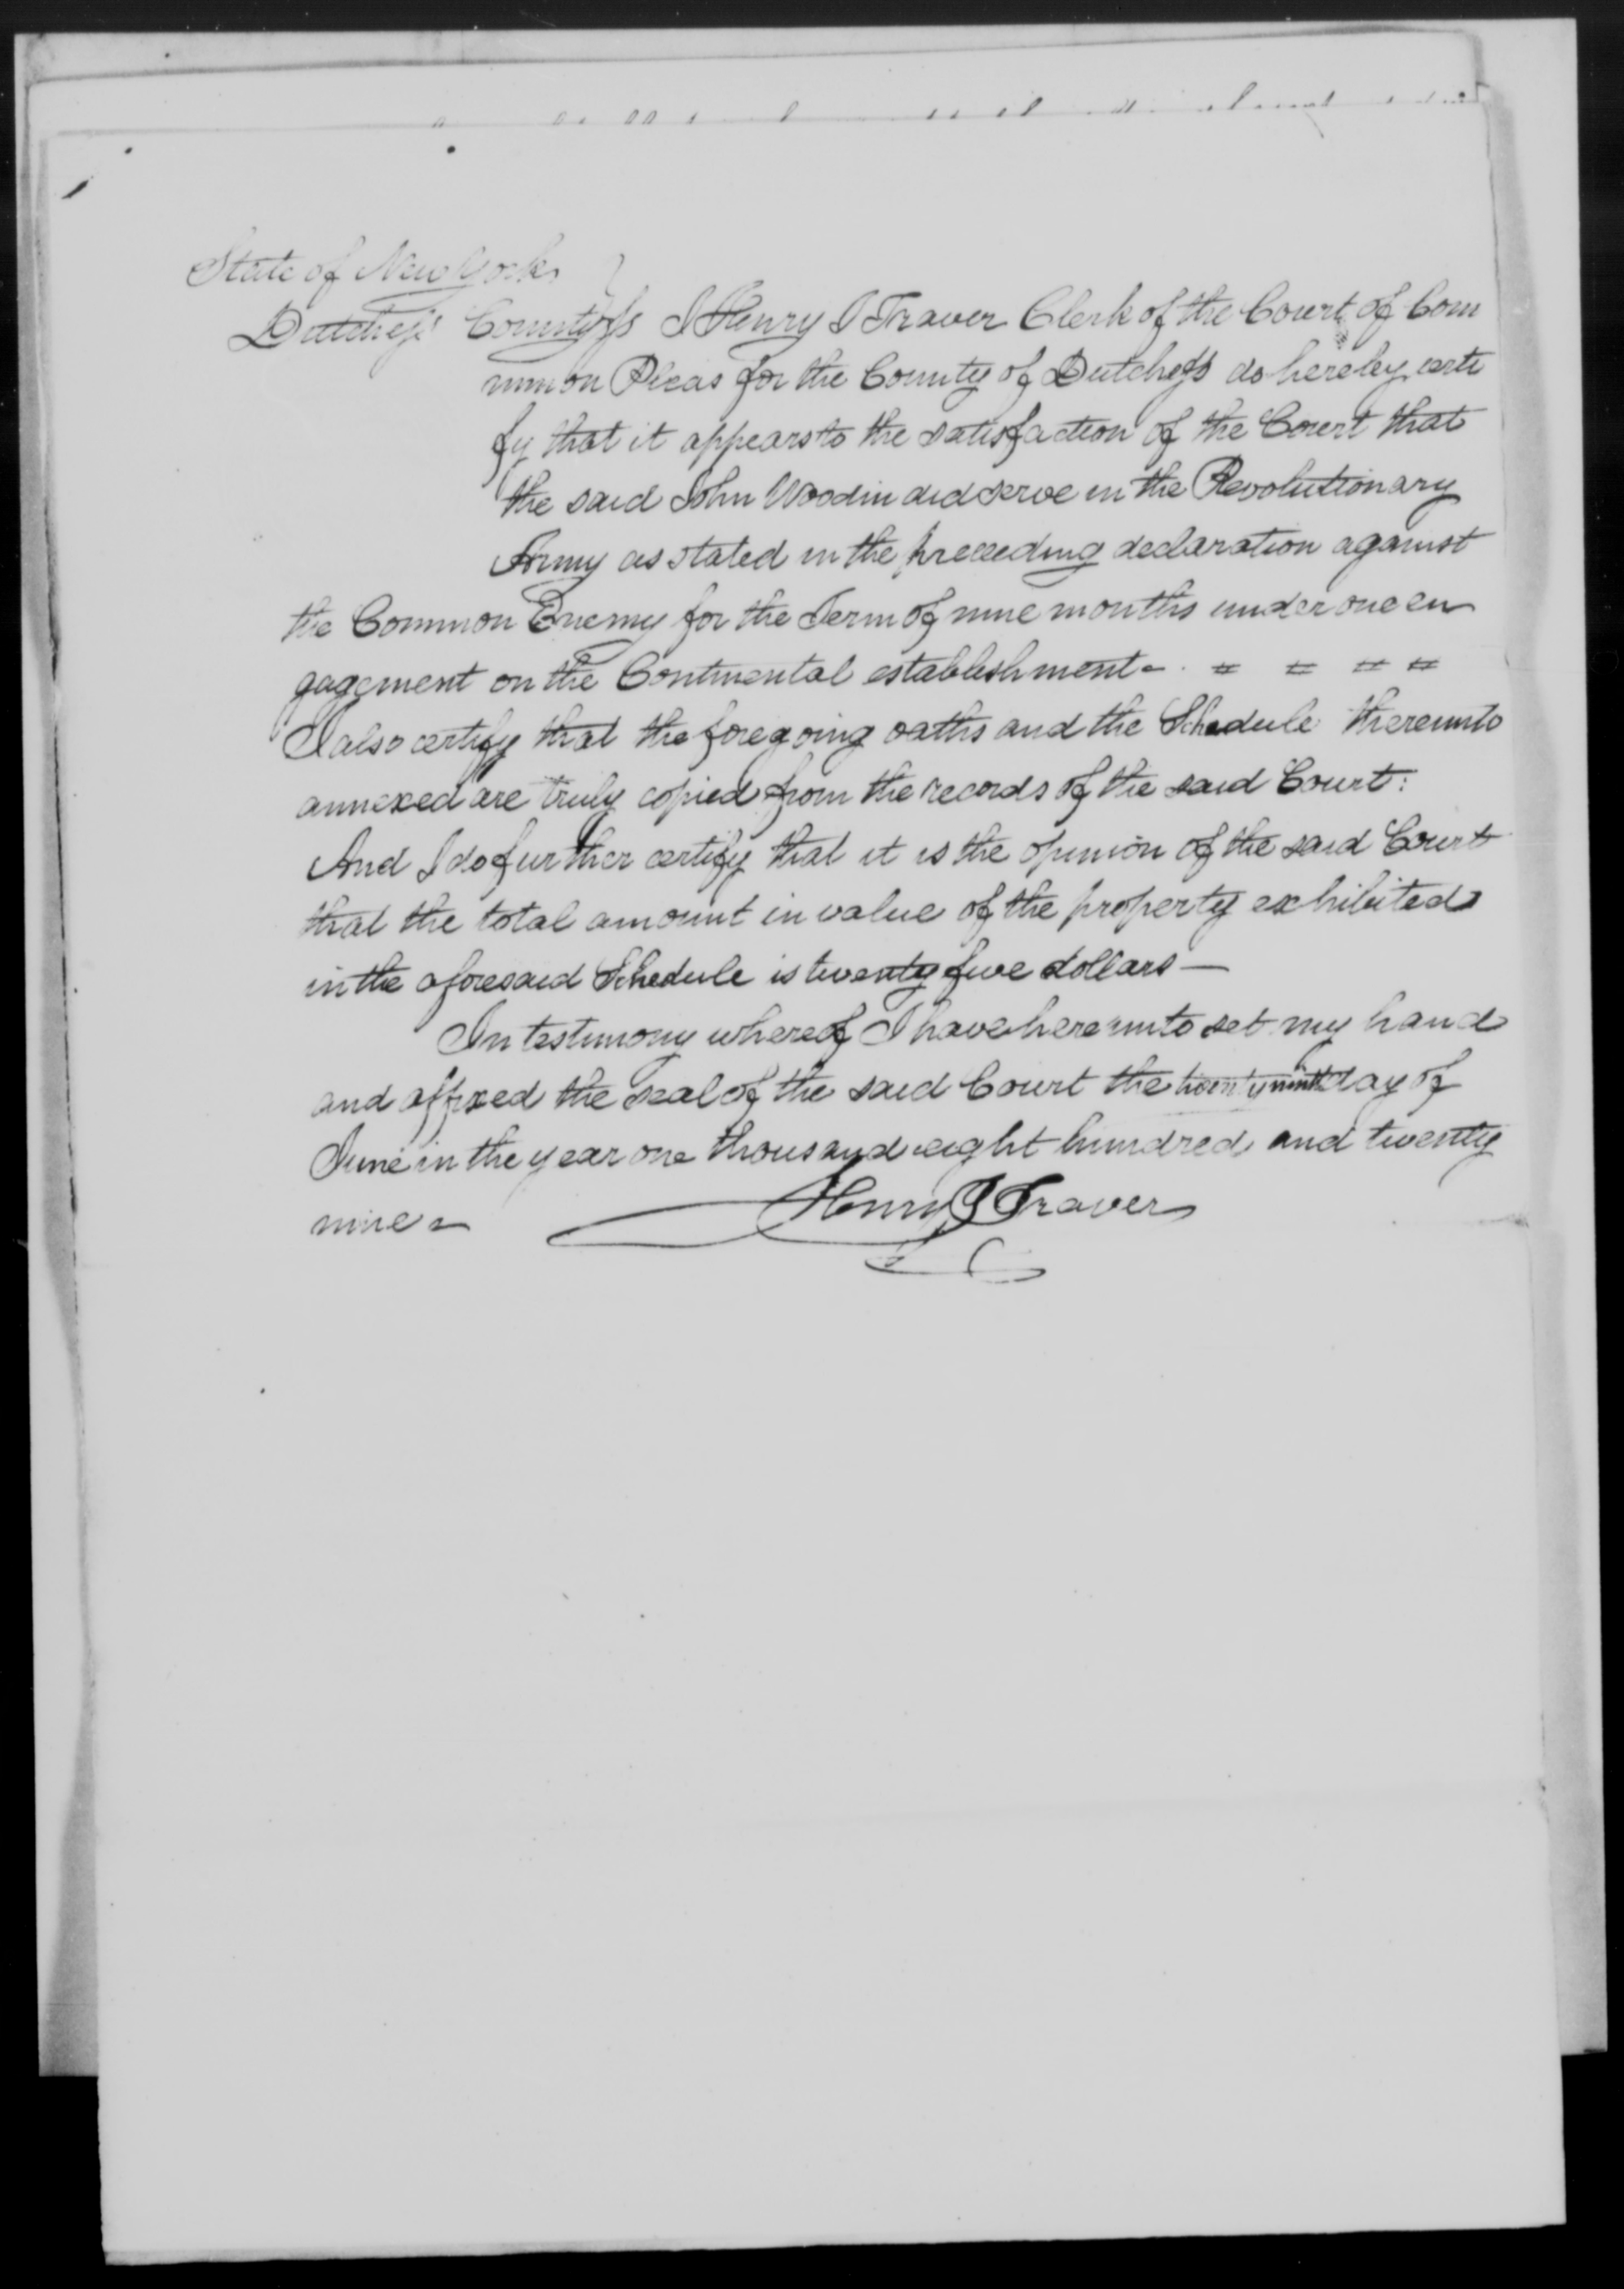State of New York
Dutchess County   I Henry Traver Clerk of the Court of Common Pleas for the County of Dutchess do hereby certify that it appears to the satisfaction of the Court that the said John Woodin did serve in the Revolutionary Army as stated in the preceeding declaration against the Common Enemy for the Term of nine months under one engagement on the Continental establishment- 
I also certify that the foregoing oaths and the Schedule thereunto annexed are truly copied from the records of the said Court: And I do further certify that it is the opinion of the said Court that the total amount in value of the property exhibited in the aforesaid Schedule is twenty five dollars- 
In testimony whereof I have hereunto set my hand and affixed the seal of the said Court the twenty ninth day of June in the year one thousand eight hundred and twenty nine.
Henry J Traver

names: Henry J Traver, John Woodin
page: 43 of 77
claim: widow's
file: W. 19658, John Woodin, New York